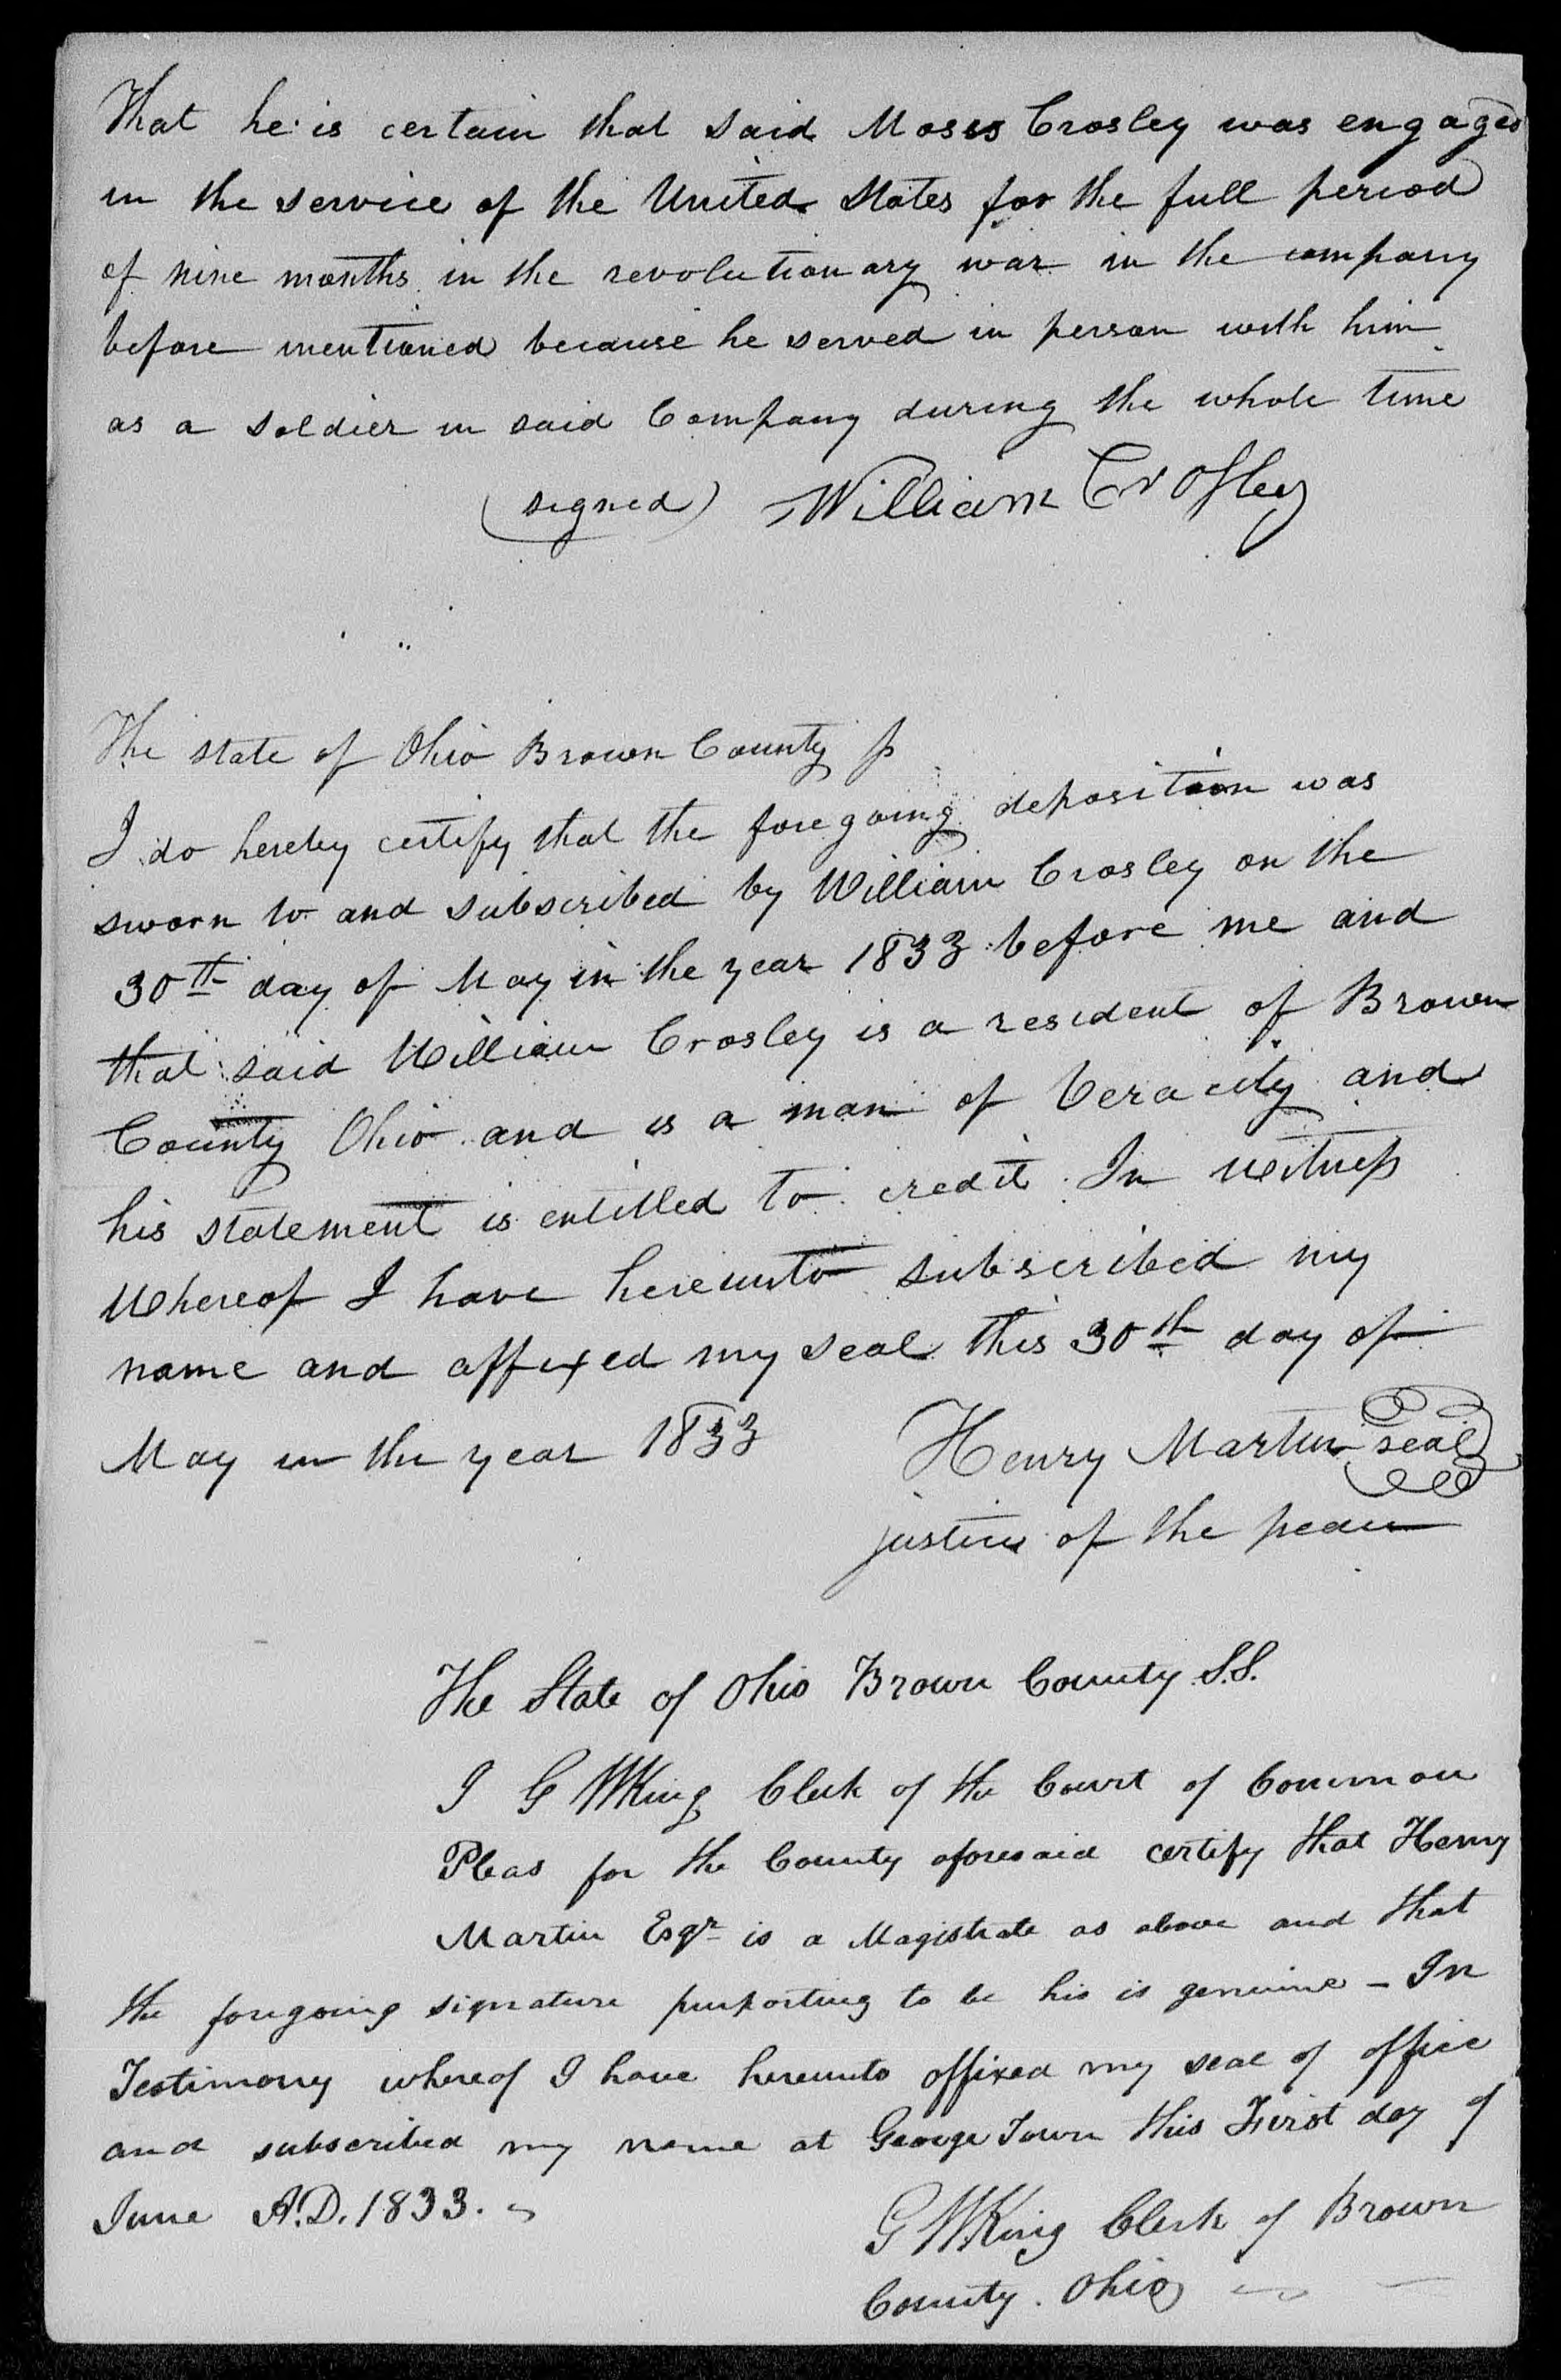That he is certain that said Moses Crosley was engaged in the service of the United States for the full period of nine months in the revolutionary war in the company before mentioned because he served in person with him as a soldier in said Company during the whole time
(signed) William Crosley 
The state of Ohio Brown County
I do hereby certify that the foregoing deposition was sworn to and subscribed by William Crosley on the 30th day of May in the year 1833 before me and that said William Crosley is a resident of Brown County Ohio and is a man of veracity and his statement is entitled to credit in witness whereof I have hereunto subscribed my name and affixed by seal this 30th day of May in the year 1833.
Henry Martin seal
Justice of the Peace 
The State of Ohio Brown County SS
I G W King Clerk of the Court of Common Pleas for the County aforesaid certify that Henry Martin Esq. is a magistrate as above and that the foregoing signature purporting to be his is genuine- In testimony whereof I have hereunto affixed my seal of office and subscribed my name at George Town this First day of June AD 1833 
G W King Clerk of Brown County Ohio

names: William Crosley, G W King, Henry Martin, Henry Martin, G W King, William Crosley, William Crosley, Moses Crosley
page: 17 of 37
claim: rejected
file: R. 2516, Moses Crosley, Md.